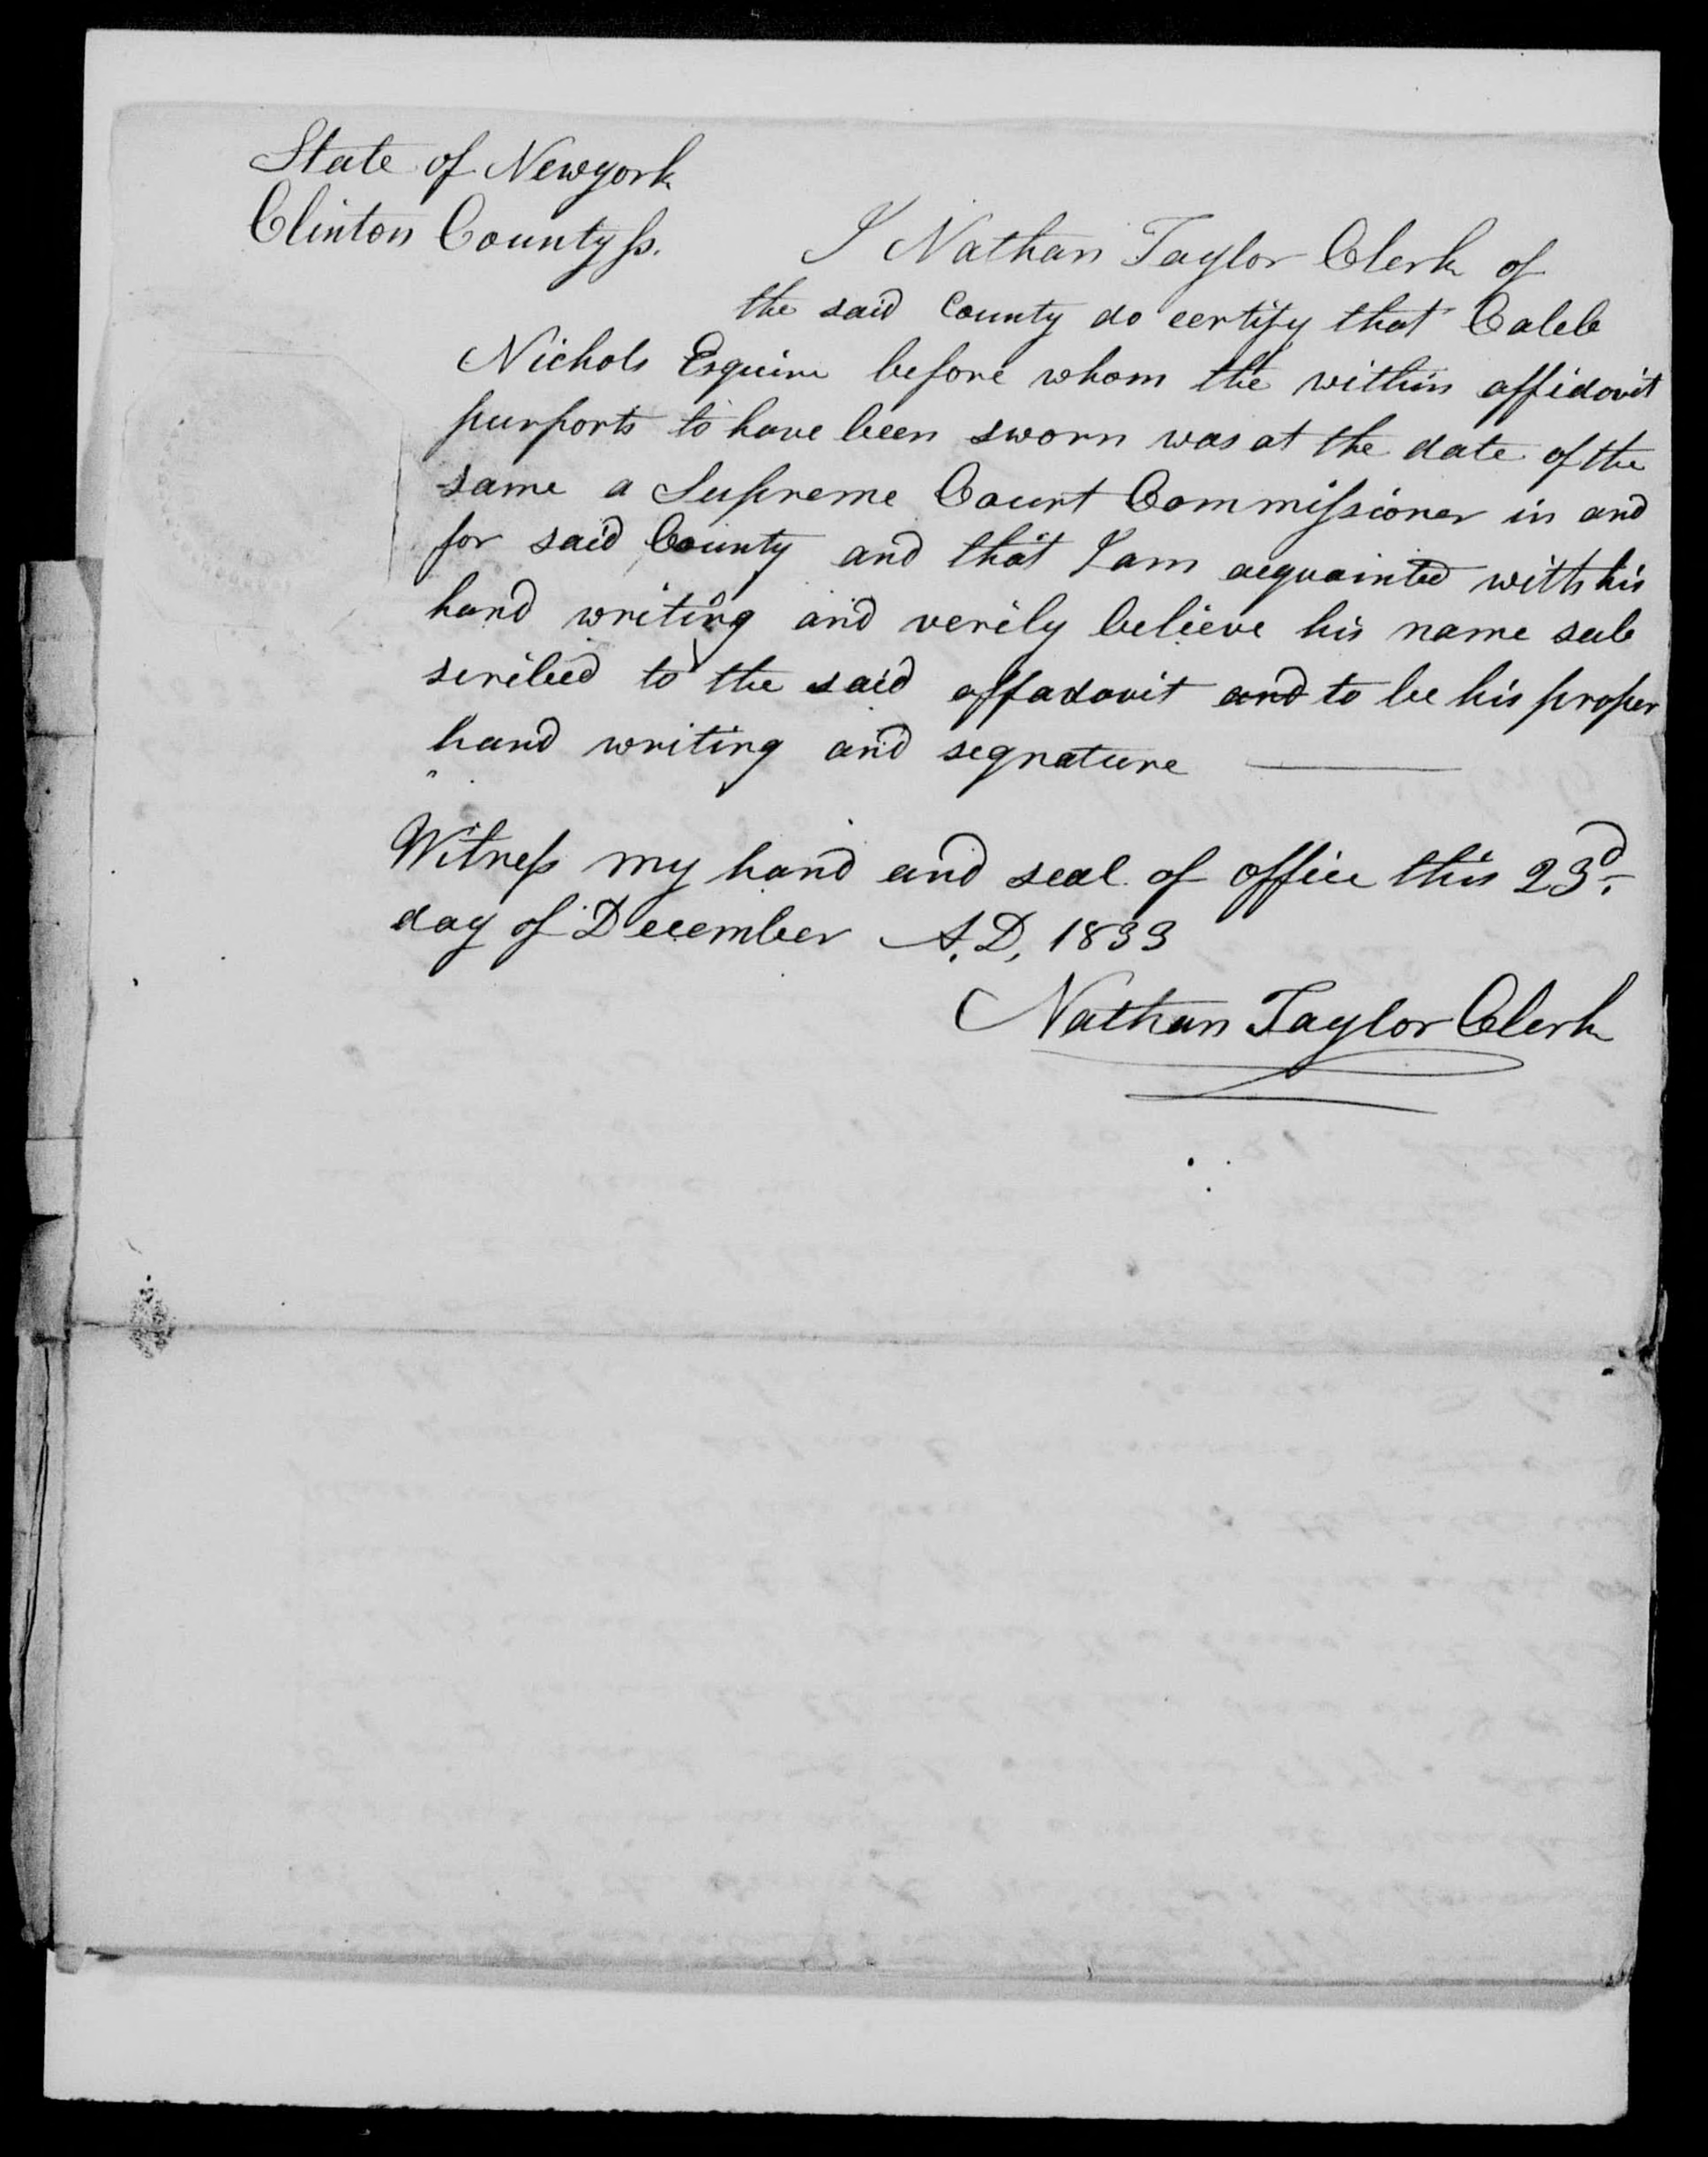State of New York
Clinton County ss
I ,Nathan Taylor, Clerk of the said County do certify that Caleb Nichols Esquire before whom the within affidavit purports to have been sworn was at the date of the same a Supreme Court Commissioner in and
for said County and that I am acquainted with his
hand writing and verily believe his name subscribed to the said affidavit and to be his proper hand writing and signature.
---
Witness my hand and seal of office this 23d day of December A.D. 1833
                                            Nathan Taylor,Clerk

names: Nathan Taylor, Nathan Taylor, Caleb Nichols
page: 16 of 40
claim: rejected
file: R. 1558, Jonathan Butterfield, Mass. Vt.